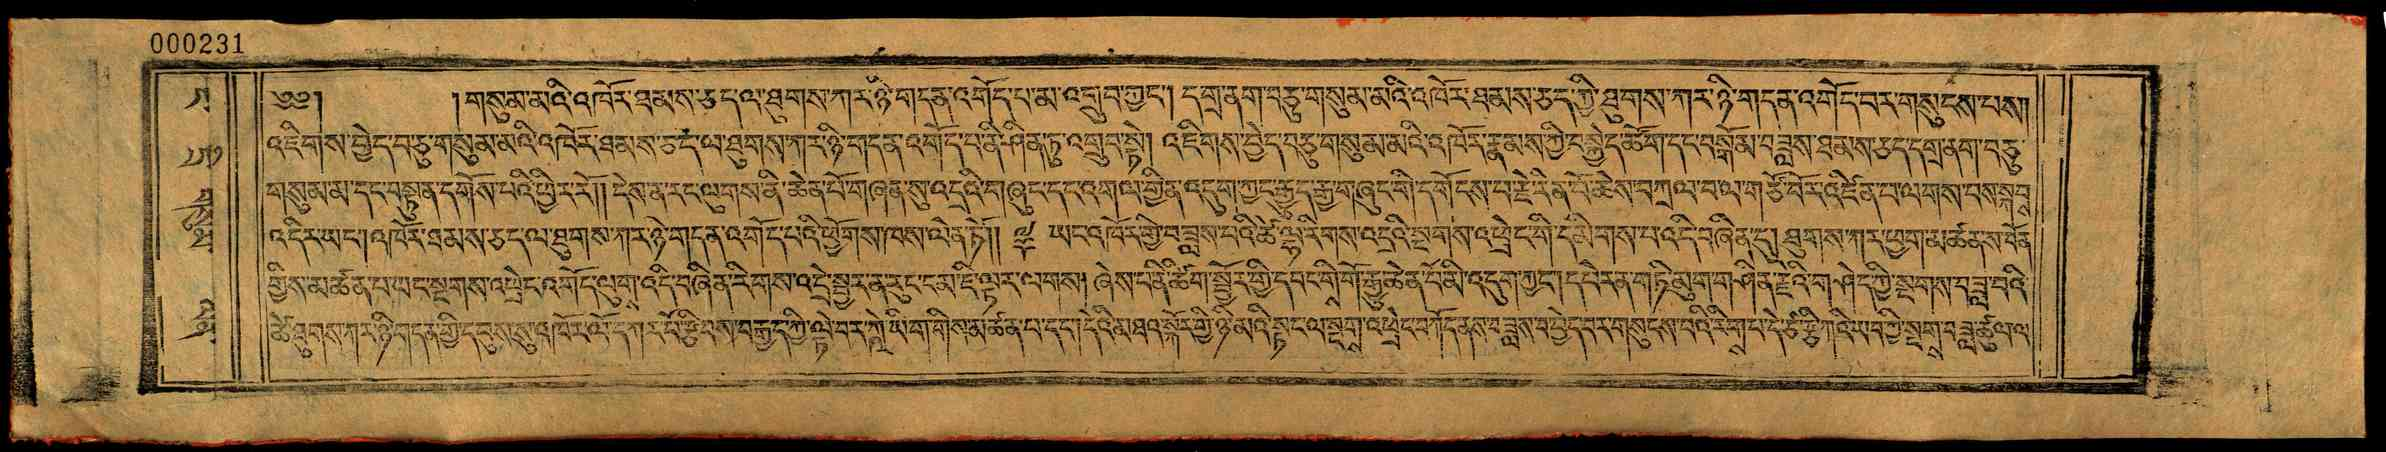༄༅། །གསུམ་མའི་འཁོར་ཐམས་ཅད་ལ་ཐུགས་ཀར་ཉི་གདན་འགོད་པ་མི་འགྲུབ་ཀྱང་། དགྲ་ནག་བཅུ་གསུམ་མའི་འཁོར་ཐམས་ཅད་ཀྱི་ཐུགས་ཀར་ཉི་གདན་འགོད་པར་གསུངས་པས།
འཇིགས་བྱེད་བཅུ་གསུམ་མའི་འཁོར་ཐམས་ཅད་ལ་ཐུགས་ཀར་ཉི་གདན་འགོད་པ་ནི་ཤིན་ཏུ་འགྲུབ་སྟེ། འཇིགས་བྱེད་བཅུ་གསུམ་མའི་འཁོར་རྣམས་ཀྱི་བསྐྱེད་ཆོག་དང་བསྒོམ་བཟླས་ཐམས་ཅད་དགྲ་ནག་བཅུ་
གསུམ་མ་དང་བསྟུན་དགོས་པའི་ཕྱིར་རོ། །དེས་ན་རང་ལུགས་ནི་ཆེན་པོ་གཞན་སུ་འདྲའི་གཞུང་དང་འགལ་གྱིན་འདུག་ཀྱང་རྒྱུད་རྒྱ་གཞུང་གི་དགོངས་པ་རྗེ་རིན་པོ་ཆེས་བཀྲལ་བ་ལ་གཙོ་བོར་འཛིན་པ་ལགས་པས་སྐབས་
འདིར་ཡང་། འཁོར་ཐམས་ཅད་ལ་ཐུགས་ཀར་ཉི་གདན་འགོད་པའི་ཕྱོགས་ཁས་ལེན་ཏོ།། ༈ ཡང་འཁོར་གྱི་བཟླས་པའི་ཚེ་ལྷ་རིགས་འདྲའི་སྔགས་འཕྲེང་གི་དམིགས་པ་འདི་བཞིན་དུ། ཐུགས་ཀར་ཕྱག་མཚན་ས་བོན་
གྱིས་མཚན་པ་ཡང་སྔགས་འཕྲེང་འགོད་ལུགས་འདི་བཞིན་རིགས་འདྲེ་སྦྱར་ན་རུང་དམ་ཇི་ལྟར་ལགས། ཞེས་པ་ནི་ཚིག་སྦྱོར་གྱི་དབང་གིས་གོ་རྒྱུ་ཆེན་པོ་མི་འདུག་ཀྱང་། དཔེར་ན་གཏི་མུག་གཤིན་རྗེའི་གཤེད་ཀྱི་སྔགས་བཟླ་བའི་
ཚེ་ཐུགས་ཀར་ཉི་གདན་གྱི་དབུས་སུ་འཁོར་ལོ་དཀར་པོ་རྩིབས་བརྒྱད་ཀྱི་ལྟེ་བར་ཀྵེ་ཡིག་གིས་མཚན་པ་དང་། དེའི་མཐའ་སྐོར་གྱི་ཉི་མའི་སྟེང་ལ་སྔགས་འཕྲེང་བཀོད་ནས་བཟླས་པ་བྱེད་པར་གསུངས་པའི་རིགས་པ་དེ་ཙ་རྩི་ཀའི་ཡབ་ཀྱི་སྔགས་བཟླ་ཚུལ་ལ་